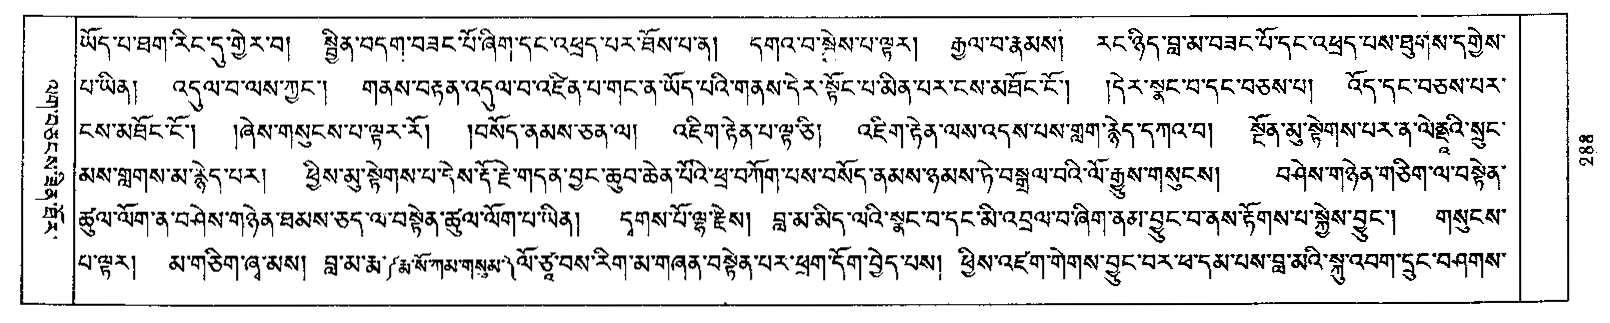ཡོད་པ་ཐག་རིང་དུ་གྱེར་བ། སྦྱིན་བདག་བཟང་པོ་ཞིག་དང་འཕྲད་པར་ཐོས་པ་ན། དགའ་བ་སྐྱེས་པ་ལྟར། རྒྱལ་བ་རྣམས། རང་ཉིད་བླ་མ་བཟང་པོ་དང་འཕྲད་པས་ཐུགས་དགྱེས་
པ་ཡིན། འདུལ་བ་ལས་ཀྱང་། གནས་བརྟན་འདུལ་བ་འཛིན་པ་གང་ན་ཡོད་པའི་གནས་དེར་སྟོང་པ་མིན་པར་ངས་མཐོང་ངོ། །དེར་སྣང་བ་དང་བཅས་པ། འོད་དང་བཅས་པར་
ངས་མཐོང་ངོ། །ཞེས་གསུངས་པ་ལྟར་རོ། །བསོད་ནམས་ཅན་ལ། འཇིག་རྟེན་པ་ལྟ་ཅི། འཇིག་རྟེན་ལས་འདས་པས་གླག་རྙེད་དཀའ་བ། སྔོན་མུ་སྟེགས་པར་ན་ལེནྡཱའི་སྲུང་
མས་གླགས་མ་རྙེད་པར། ཕྱིས་མུ་སྟེགས་པ་དེས་རྡོ་རྗེ་གདན་བྱང་ཆུབ་ཆེན་པོའི་ཕྲ་བཀོག་པས་བསོད་ནམས་ཉམས་ཏེ་བསྒྲལ་བའི་ལོ་རྒྱུས་གསུངས། བཤེས་གཉེན་གཅིག་ལ་བསྟེན་
ཚུལ་ལོག་ན་བཤེས་གཉེན་ཐམས་ཅད་ལ་བསྟེན་ཚུལ་ལོག་པ་ཡིན། དྭགས་པོ་ལྷ་རྗེས། བླ་མ་མིད་ལའི་སྣང་བ་དང་མི་འབྲལ་བ་ཞིག་ནམ་བྱུང་བ་ནས་རྟོགས་པ་སྐྱེས་བྱུང་། གསུངས་
པ་ལྟར། མ་གཅིག་ཞྭ་མས། བླ་མ་རྨ་རྨ་སོ་ཀམ་གསུམ྄་ལོ་ཙཱ་བས་རིག་མ་གཞན་བསྟེན་པར་ཕྲག་དོག་བྱེད་པས། ཕྱིས་འཛག་གེགས་བྱུང་བར་ཕ་དམ་པས་བླ་མའི་སྐུ་འབག་དྲུང་བཤགས་